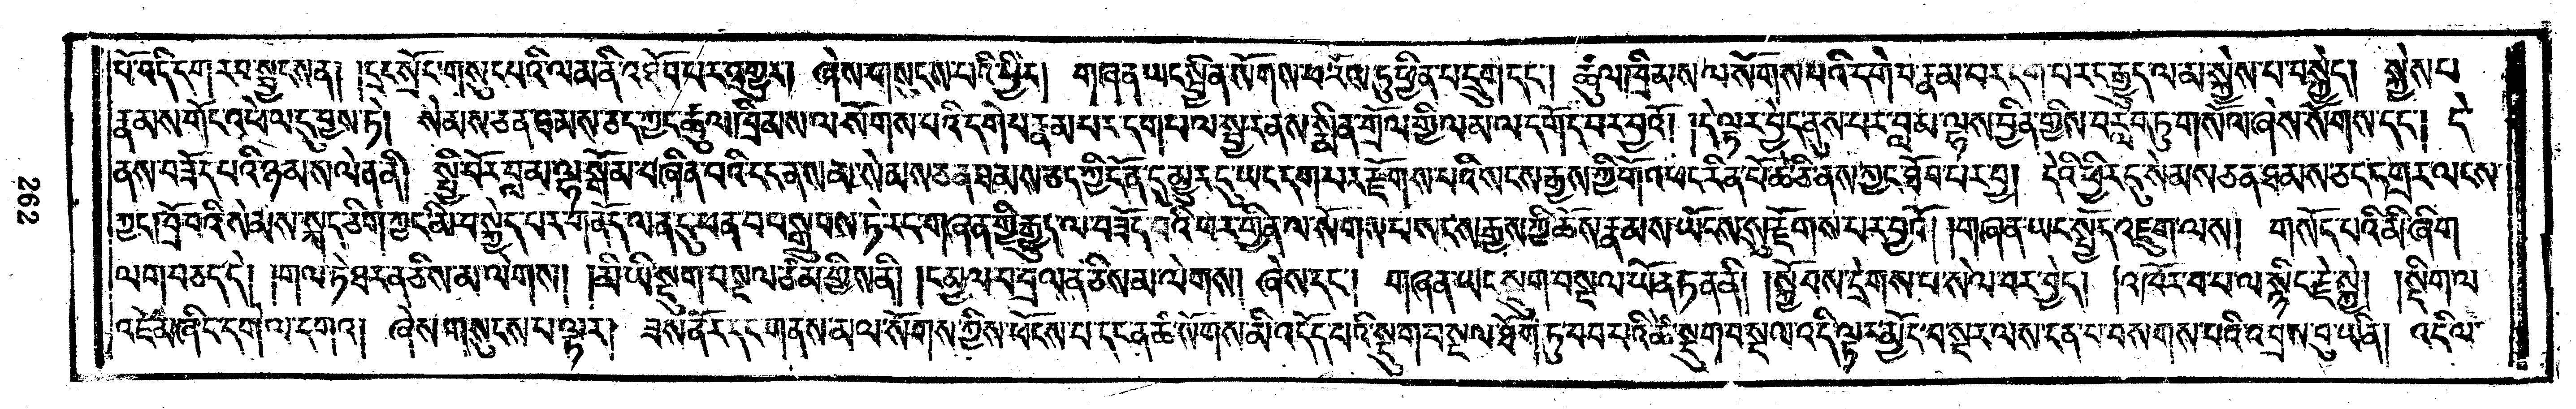པོ་འདི་དག་རབ་སྦྱངས་ན། །དྲང་སྲོང་གསུང་པའི་ལམ་ནི་འཐོབ་པར་འགྱུར། ཞེས་གསུངས་པའི་ཕྱིར། གཞན་ཡང་སྦྱིན་སོགས་ཕ་རོལ་ཏུ་ཕྱིན་པ་དྲུག་དང་། ཚུལ་ཁྲིམས་ལ་སོགས་པའི་དགེ་བ་རྣམ་བར་དག་པ་རང་རྒྱུད་ལ་མ་སྐྱེས་པ་བསྐྱེད། སྐྱེས་པ་
རྣམས་གོང་འཕེལ་དུ་བྱས་ཏེ། སེམས་ཅན་ཐམས་ཅད་ཀྱང་ཚུལ་ཁྲིམས་ལ་སོགས་པའི་དགེ་པ་རྣམ་པར་དག་པ་ལ་སྦྱར་ནས་སྨིན་གྲོལ་གྱི་ལམ་ལ་དགོད་བར་བྱའོ། །དེ་ལྟར་བྱེད་ནུས་པར་བླ་མ་ལྷས་བྱིན་གྱིས་བརླབ་ཏུ་གསོལ་ཞེས་སོགས་དང་། དེ་
ནས་བཟོད་པའི་ཉམས་ལེན་ནི། སྤྱི་བོར་བླ་མ་ལྷ་སྒོམ་བཞིན་བའི་ངང་ནས་མ་སེམས་ཅན་ཐམས་ཅད་ཀྱི་དོན་དུ་མྱུར་དུ་ཡང་དག་པར་རྫོགས་པའི་སངས་རྒྱས་ཀྱི་གོ་འཕང་རིན་པོ་ཆེ་ཅི་ནས་ཀྱང་ཐོབ་པར་བྱ། དེའི་ཕྱིར་དུ་སེམས་ཅན་ཐམས་ཅད་དགྲར་ལངས་
ཀྱང་ཁྲོ་བའི་སེམས་སྐད་ཅིག་ཀྱང་མི་བསྐྱེད་པར་གནོད་ལན་དུ་ཕན་བ་བསྒྲུབས་ཏེ་རང་གཞན་གྱི་རྒྱུད་ལ་བཟོད་བའི་ཕར་གྱིན་ལ་སོགས་པ་སངས་རྒྱས་ཀྱི་ཆོས་རྣམས་ཡོངས་སུ་རྫོགས་པར་བྱའོ། །གཞན་ཡང་སྤྱོད་འཇུག་ལས། གསོད་པའི་མི་ཞིག་
ལག་བཅད་དེ། །གལ་ཏེ་ཐར་ན་ཅིས་མ་ལེགས། །མི་ཡི་སྡུག་བསྔལ་ཙམ་གྱིས་ནི། །དམྱལ་བ་བྲལ་ན་ཅིས་མ་ལེགས། ཞེས་དང་། གཞན་ཡང་སྡུག་བསྔལ་ཡོན་ཏན་ནི། །སྐྱོབས་དྲེགས་པ་སེལ་བར་བྱེད། །འཁོར་བ་པ་ལ་སྙིང་རྗེ་སྐྱེ། །སྡིག་ལ་
འཛོམ་ཞིང་དགེ་ལ་དགའ། ཞེས་གསུངས་པ་ལྟར། ཟས་ནོར་དང་གནས་མལ་སོགས་ཀྱིས་ཕོངས་པ་དང་ན་ཚ་སོགས་མི་འདོད་པའི་སྡུག་བསྔལ་ཐོག་ཏུ་བབ་པའི་ཚེ་སྡུག་བསྔལ་འདི་ལྟར་མྱོང་བ་སྔར་ལས་ངན་པ་བསགས་པའི་འབྲས་བུ་ཡིན། འདི་ལ་